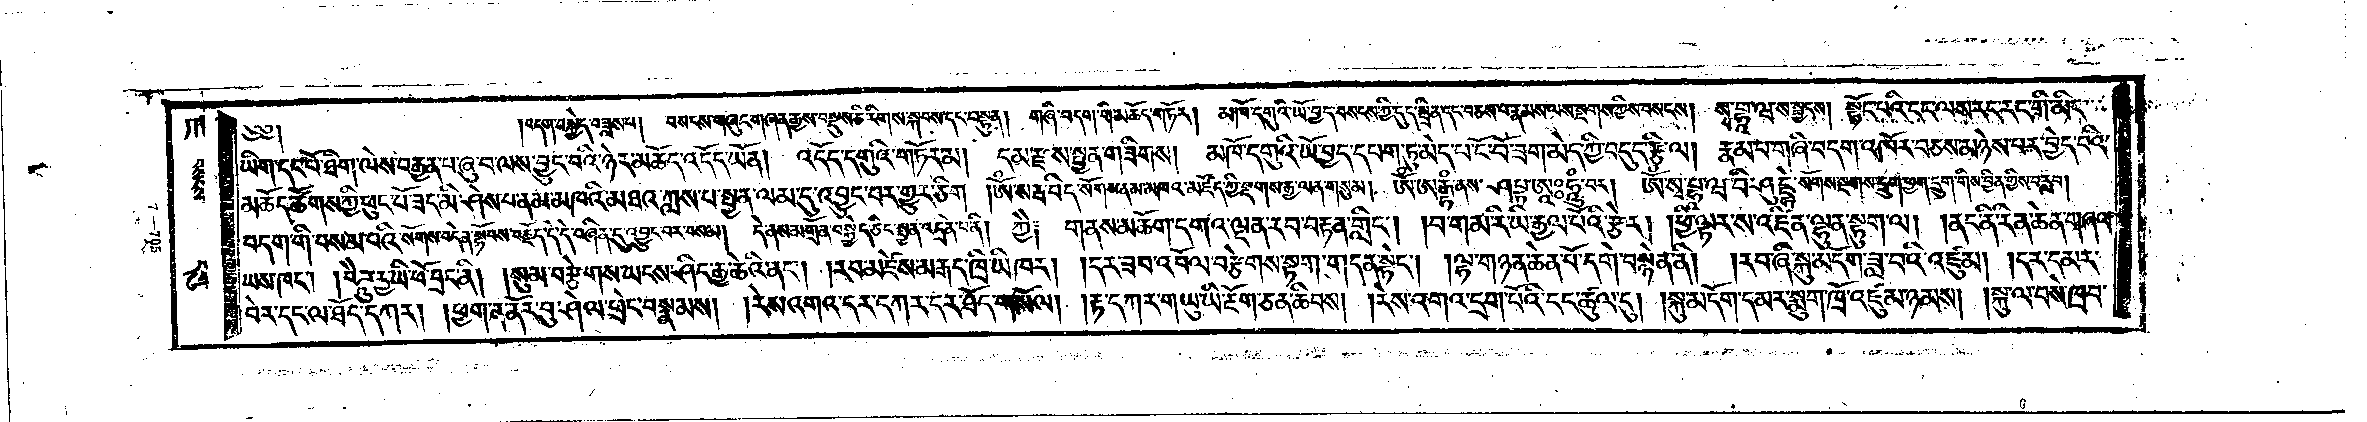༄༅། །བདག་བསྐྱེད་བཟླས་པ། བསངས་གཞུང་གཞན་རྒྱས་བསྡུས་ཅི་རིགས་སྐབས་དང་བསྟུན། གཞི་བདག་གི་མཆོད་གཏོར། མཁོ་དགུའི་ཡོ་བྱད་བསངས་ཀྱི་དུད་སྤྲིན་དང་བཅས་པ་རྣམས་ལས་སྔགས་ཀྱིས་བསངས།  སྭ་བྷཱ་ཝ་ས་སྦྱངས། སྟོང་པའི་ངང་ལས་རང་རང་གི་མིང་
ཡིག་དང་པོ་ཐིག་ལེས་བརྒྱན་པ་ཞུ་བ་ལས་བྱུང་བའི་ཉེར་མཆོད་འདོད་ཡོན། འདོད་དགུའི་གཏོར་མ། དམ་རྫས་སྤྱན་གཟིགས། མཁོ་དགུའི་ཡོ་བྱད་དཔག་ཏུ་མེད་པ་ངོ་བོ་ཟག་མེད་ཀྱི་བདུད་རྩི་ལ། རྣམ་པ་གཞི་བདག་འཁོར་བཅས་མཉེས་པར་བྱེད་པའི་
མཆོད་ཚོགས་ཀྱི་ཕུང་པོ་ཟད་མི་ཤེས་པ་ནམ་མཁའི་མཐའ་ཀླས་པ་སྤྱན་ལམ་དུ་འབྱུང་བར་གྱུར་ཅིག །ཨོཾ་སརྦ་བིད་སོགས་ནམ་མཁའ་མཛོད་ཀྱི་སྔགས་རྒྱ་ལན་གསུམ།  ཨོཾ་ཨརྒྷཾ་ནས་ཤཔྟ་ཨཱཿཧཱུཾ་བར། ཨོཾ་སྭ་བྷཱ་ཝ་བི་ཤུདྡྷེ་སོགས་སྔགས་དྲུག་ཕྱག་དྲུག་གིས་བྱིན་གྱིས་བརླབ།
བདག་གི་བསམ་བའི་སོགས་བདེན་སྟོབས་དེ་དེ་བཞིན་དུ་འབྱུང་བར་བསམ། དེ་ནས་མགྲོན་བསྐྱེད་ཅིང་སྤྱན་འདྲེན་པ་ནི། ཀྱཻ༑ གནས་མཆོག་དགའ་ལྡན་རབ་བརྟན་གླིང་། །པ་གམ་རི་ཡི་རྒྱལ་པོའི་རྩེར། །ཕྱི་ལྟར་ས་འཛིན་ལྷུན་སྟུག་ལ། །ནང་ནི་རིན་ཆེན་གཞལ་
ཡས་ཁང་། །བཻཌཱུརྱ་ཡི་ཕོ་བྲང་ནི། །སུམ་བརྩེགས་ཡངས་ཤིང་རྒྱ་ཆེའི་ནང་། །རབ་མཛེས་མརྒད་ཁྲི་ཡི་ཁར། །དར་ཟབ་འབོལ་བརྩེགས་སྟག་གདན་སྟེང་། །ལྷ་གཉན་ཆེན་པོ་དགེ་བསྙེན་ནི། །རབ་ཞི་སྐུ་མདོག་ཟླ་བའི་འཛུམ། །དར་དམར་
བེར་དང་ལ་ཐོད་དཀར། །ཕྱག་ན་ནོར་བུ་ཤེལ་ཕྲེང་བསྣམས། །རེས་འགའ་དར་དཀར་དར་ཐོད་གསོལ། །རྟ་དཀར་གཡུ་ཡི་རྡོག་ཅན་ཆིབས། །རེས་འགའ་དྲག་པོའི་ངང་ཚུལ་དུ། །སྐུ་མདོག་དམར་རྨུག་ཁྲོ་འཛུམ་ཉམས། །སྐུ་ལ་བསེ་ཁྲབ་